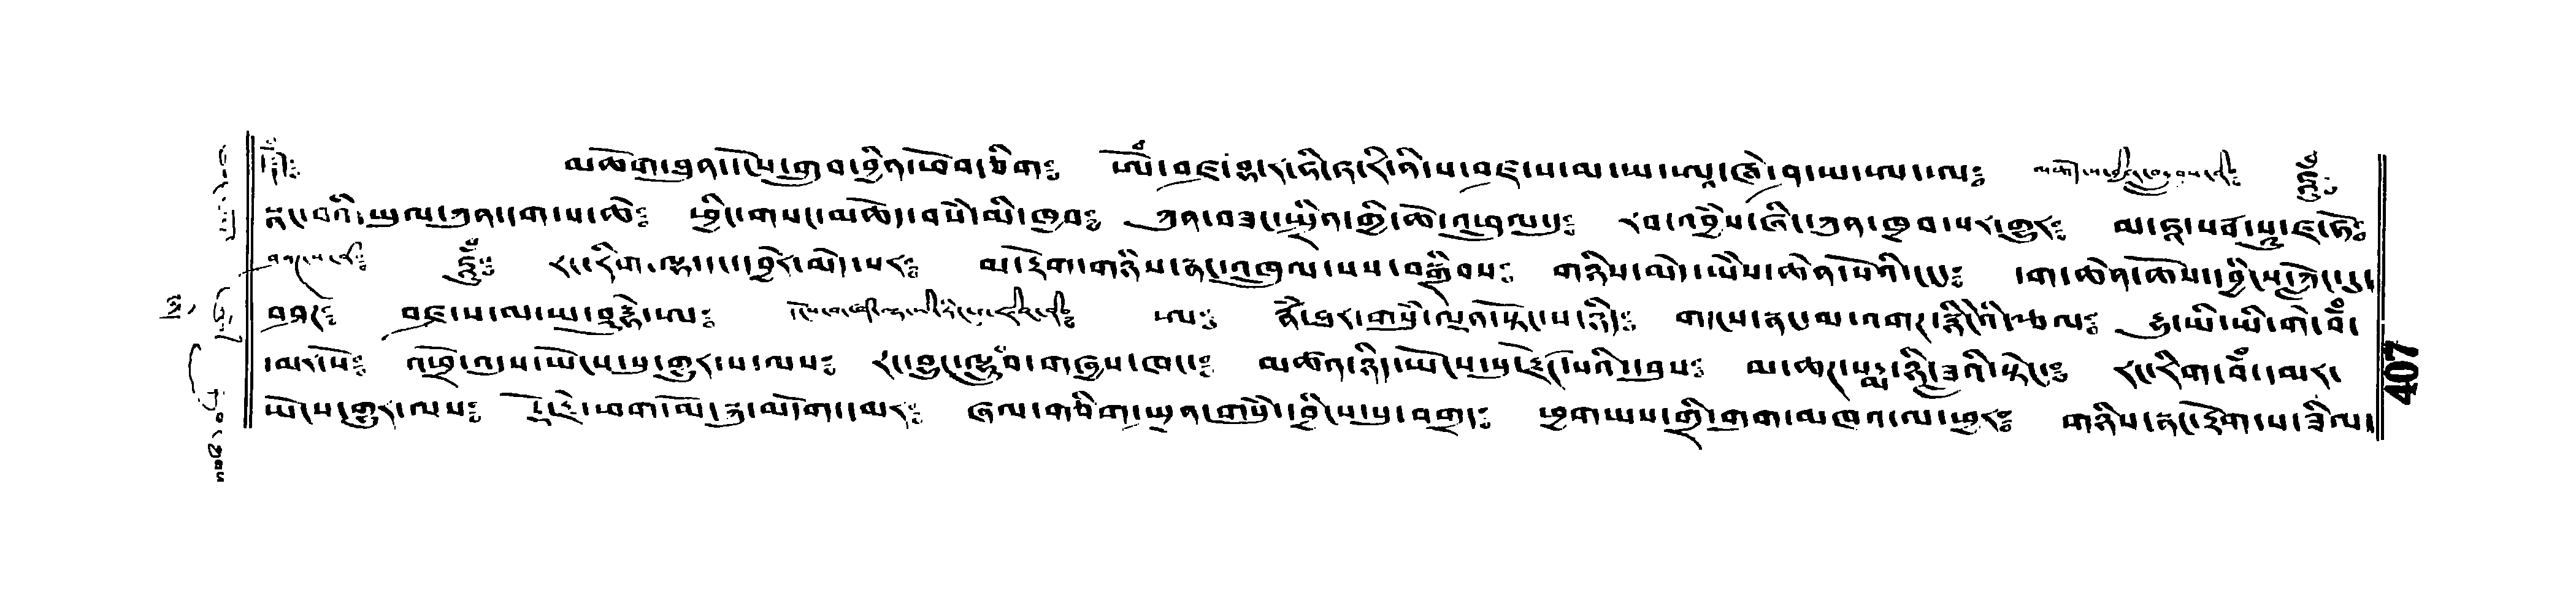མཆོག་ཐུན་དངོས་གྲུབ་བྱིན་ཕོབ་ཅིག༔ ཨོཾ་བཛྲ་བྷ་ར་ཧི་ཧ་རི་ནི་ས་བཛྲ་ས་མ་ཡ་ཨཱ་ཝེ་ཤ་ཡ་ཨ་ཨཱཿ མཆོད་པ་བྱིན་བརླབ་ནི༔ ཧཱུྃ༔ 
སྣང་བའི་ཡུལ་ཀུན་དག་པ་ཆེ༔ ཕྱི་ནང་གསང་མཆོད་བསམ་མི་ཁྱབ༔ ཀུན་བཟང་སྤྲིན་གྱི་ཆོ་འཕྲུལ་དུ༔ རབ་འབྱམས་ཞིང་ཀུན་ཁྱབ་པར་གྱུར༔ མ་ཧཱ་སརྦ་པཱུ་ཛ་ཧོཿ 
བཤགས་པ་ནི༔ ཧཱུྃ༔ རང་རིག་ལྷ་དང་དབྱེར་མེད་པར༔ མ་རྟོག་གཉིས་སྣང་འཁྲུལ་པས་བསྒྲིབས༔ གཉིས་མེད་ཡེ་ཤེས་ཆེན་པོའི་ངང༔ དག་ཆེན་ཆོས་དབྱིངས་ཀློང་དུ་
བཤགས༔ བཛྲ་ས་མ་ཡ་ཤུདྡྷེ་ཨཱཿ དངོས་གཞི་ལྷ་ཡི་ཏིང་འཛིན་ནི༔ ཨཱཿ རྣམ་ཐར་གསུམ་ལྡན་སྟོང་པ་ཉིད༔ གདངས་སྣང་མ་འགགས་སྙིང་རྗེའི་རྩལ༔ རྒྱུ་ཡི་ཡི་གེ་བྃ་
དམར་པོ༔ འཕྲོ་འདུས་ཡོངས་སུ་གྱུར་པ་ལས༔ རང་བྱུང་ལྷུན་གྲུབ་གཞལ་ཡས་ཁང༔ མཚན་ཉིད་ཡོངས་སུ་རྫོགས་པའི་དབུས༔ མ་ཆགས་པདྨ་ཉི་ཟླའི་སྟེང༔ རང་རིག་བྃ་དམར་
ཡོངས་གྱུར་ལས༔ རྡོ་རྗེ་ཕག་མོ་སྐུ་མདོག་དམར༔ ཞལ་གཅིག་སྤྱན་གསུམ་དབྱིངས་སུ་བགྲད༔ ཕྱག་གཡས་གྲི་གུག་མཁའ་ལ་ཕྱར༔ གཉིས་སྣང་རྟོག་པ་ཟིལ་